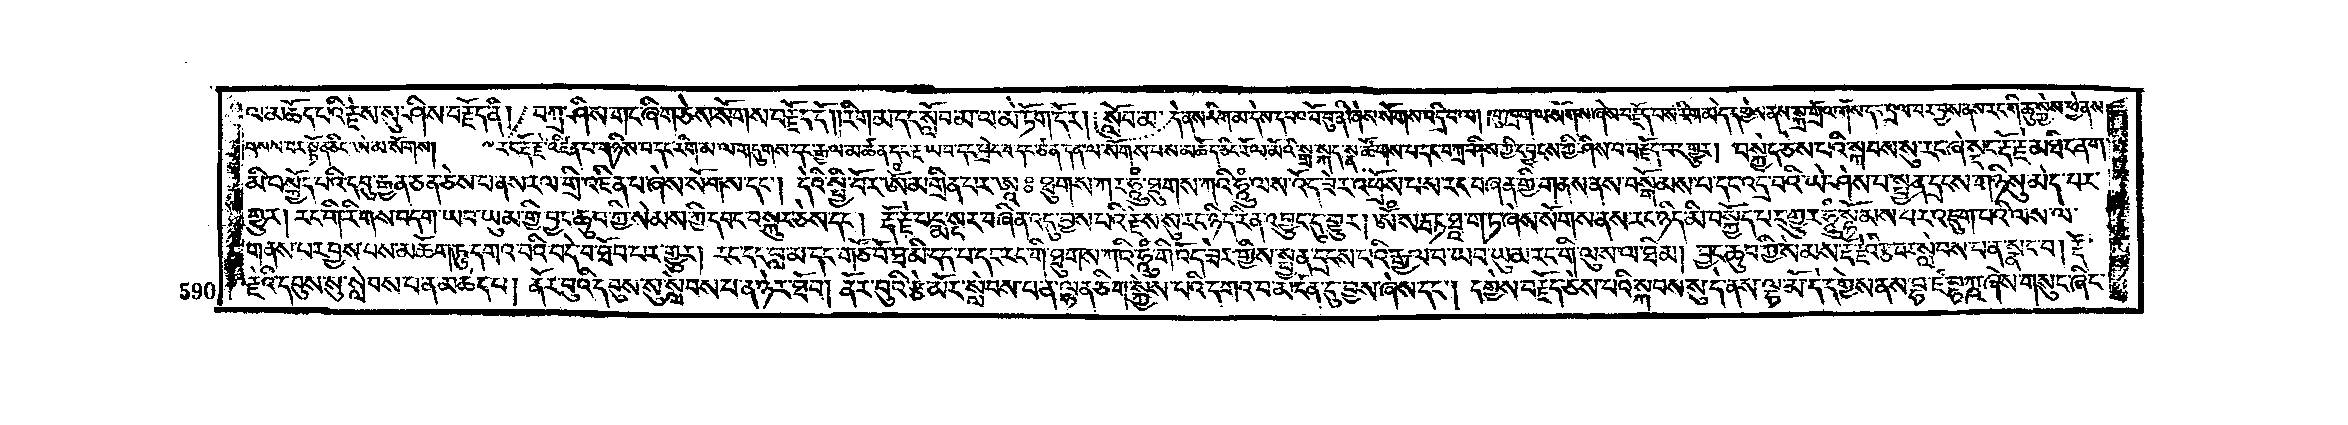ལ་མཆོད་པའི་རྗེས་སུ་ཤིས་བརྗོད་ནི། བཀྲ་ཤིས་གང་ཞིག་ཅེས་སོགས་བརྗོད་དོ། །རིག་མ་དང་སློབ་མ་ལ་མེ་ཏོག་དོར། སློབ་མ་དེ་ནས་རིག་མ་དེས་དཔའ་བོ་བུ་ནི་ཞེས་སོགས་འདྲི་བ་ལ། ཁུ་ཁྲག་ལ་སོགས་ཞེས་བརྗོད་པས་རིག་མ་དེ་དགྱེས་ནས་སྐྲ་གྲོལ་གོས་དང་བྲལ་བར་བྱས་ནས་རང་གི་ཆུ་སྐྱེས་ཕྱེ་ནས་
གསལ་བར་སྟོན་ཅིང་ཨེ་མ་སོགས། ~་རང་རྡོ་རྗེ་འཛིན་པ་གཉིས་པ་དང་རིག་མ་ལ་གདུགས་དང་རྒྱལ་མཚན་དང་རྡ་ཡབ་དང་ཕྲང་བ་དང་ཙན་དན་ལ་སོགས་པས་མཆོད་ཅིང་རོལ་མོའི་སྒྲ་སྐད་སྣ་ཚོགས་པ་དང་བཀྲ་ཤིས་ཀྱི་དབྱངས་ཀྱི་ཤིས་པ་བརྗོད་པར་གྱུར། བསྐྱེད་ཅེས་པའི་སྐབས་སུ་རང་ཞེ་སྡང་རྡོ་རྗེ་མཐིང་ནག་
མི་བསྐྱོད་པའི་དབུ་རྒྱན་ཅན་ཅེས་པ་ནས་རལ་གྲི་འཛིན་པ་ཞེས་སོགས་དང་། དེའི་སྤྱི་བོར་ཨོཾ་མགྲིན་པར་ཨཱཿ ཐུགས་ཀར་ཧཱུཾ་ཐུགས་ཀའི་ཧཱུཾ་ལས་འོད་ཟེར་འཕྲོས་པས་རང་བཞན་གྱི་གནས་ནས་བསྒོམས་པ་དང་འདྲ་བའི་ཡེ་ཤེས་པ་སྤྱན་དྲངས་གཉིས་སུ་མེད་པར་
གྱུར། རང་གི་རིགས་བདག་ཡབ་ཡུམ་གྱི་བྱང་ཆུབ་ཀྱི་སེམས་ཀྱི་དབང་བསྐུར་ཅེས་དང་། རྡོ་རྗེ་པདམ་སྔར་བཞིན་འདུ་བྱས་པའི་རྗེས་སུ་རང་ཉིད་རིན་འབྱུང་དུ་གྱུར། ཨོཾ་སརྦ་ཏ་ཐཱ་ག་ཏ་ཞེས་སོགས་ནས་རང་ཉིད་མ་བསྐྱོད་པར་གྱུར་ཧཱུཾ་སྙོམས་པར་འཇུག་པའི་ལས་ལ་
གནས་པར་བྱས་པས་མཆོག་ཏུ་དགའ་བའི་བདེ་བ་ཐོབ་པར་གྱུར། རང་དང་བླ་མ་དང་གཙོ་བོ་ཐ་མི་དད་པ་དང་རང་གི་ཐུགས་ཀའི་ཧཱུཾ་གི་འོད་ཟེར་གྱིས་སྤྱན་དྲངས་པའི་རྒྱལ་བ་ཡབ་ཡུམ་རང་གི་ལུས་ལ་ཐིམ། བྱང་ཆུབ་ཀྱི་སེམས་རྡོ་རྗེའི་རྩ་བར་སླེབས་པ་ན་སྣང་བ། རྡོ་
རྗེའི་དབུས་སུ་སླེབས་པ་ན་མཆེད་པ། ནོར་བུའི་དབུས་སུ་སླེབས་པ་ན་ཉེ་ཐོབ། ནོར་བུའི་རྩེ་མོར་སླེབས་པ་ན་ལྷན་ཅིག་སྐྱེས་པའི་དགའ་བ་མངོན་དུ་བྱས་ཞེས་དང་། དགྱེས་བརྗོད་ཅེས་པའི་སྐབས་སུ་དེ་ནས་ལྷ་མོ་དེ་ནས་ལྷ་མོ་དེ་དགྱེས་ནས་བྷ་ཛ་བྷཀྵ་ཞེས་གསུང་ཞིང་